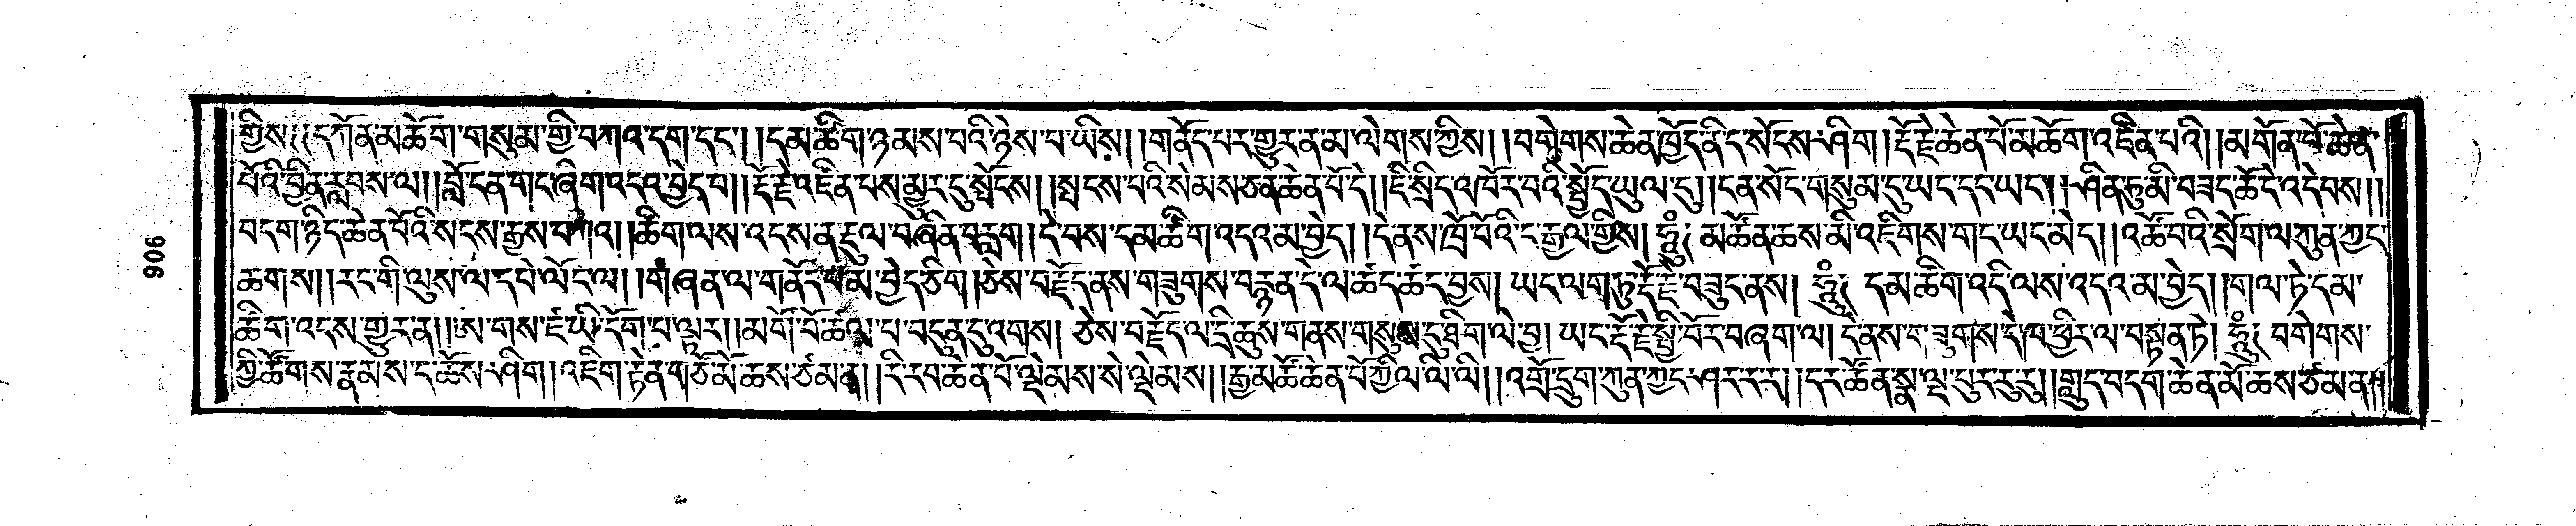གྱིས༑ ༑དཀོན་མཆོག་གསུམ་གྱི་བཀའ་དག་དང་། །དམ་ཚིག་ཉམས་པའི་ཉེས་པ་ཡིས། །གནོད་པར་གྱུར་ན་མ་ལེགས་ཀྱིས། །བགེགས་ཆེན་ཁྱོད་ནི་ད་སོངས་ཤིག །རྡོ་རྗེ་ཆེན་པོ་མཆོག་འཛིན་པའི། །མགོན་པོ་ཆེན་
པོའི་བྱིན་རླབས་ལ། །བློ་ངན་གང་ཞིག་འདའ་བྱེད་པ། །རྡོ་རྗེ་འཛིན་པས་མྱུར་དུ་སྤོངས། །སྤངས་པའི་སེམས་ཅན་ཆེན་པོ་དེ། །ཇི་སྲིད་འཁོར་བའི་སྤྱོད་ཡུལ་དུ། །ངན་སོང་གསུམ་དུ་ཡང་དང་ཡང་། །ཤིན་ཏུ་མི་བཟད་ཆོ་ངེ་འདེབས།།
བདག་ཉིད་ཆེན་པོའི་སངས་རྒྱས་བཀའ། །ཚིག་ལས་འདས་ན་རྡུལ་བཞིན་བརློག །དེ་བས་དམ་ཚིག་འདའ་མ་བྱེད། །དེ་ནས་ཁྲོ་བོའི་ང་རྒྱལ་གྱིས། ཧཱུཾ༑ མཚོན་ཆས་མི་འཇིགས་གང་ཡང་མེད། །འཚོ་བའི་སྲོག་ལ་ཀུན་ཀྱང་
ཆགས། །རང་གི་ལུས་ལ་དཔེ་ལོང་ལ། །གཞན་ལ་གནོད་པ་མ་བྱེད་ཅིག །ཅེས་བརྗོད་ནས་གཟུགས་བརྙན་དེ་ལ་ཚད་ཚད་བྱས། ཡང་ལག་ཏུ་རྡོ་རྗེ་བཟུང་ནས། ཧཱུཾ༑ དམ་ཚིག་འདི་ལས་འདའ་མ་བྱེད། །གལ་ཏེ་དམ་
ཚིག་འདས་གྱུར་ན། །ཨ་གས་ཛ་ཡི་དོག་པ་ལྟར། །མགོ་བོ་ཚལ་པ་བདུན་དུ་འགས། ཅེས་བརྗོད་ལ་དྲི་ཆུས་གནས་གསུམ་དུ་ཐིག་ལེ་བྱ། ཡང་རྡོ་རྗེ་སྤྱི་བོར་བཞག་ལ། དེ་ནས་གཟུགས་དེ་ཁ་ཕྱིར་ལ་བསྟན་ཏེ། ཧཱུཾ༑ བགེགས་
ཀྱི་ཚོགས་རྣམས་ད་ཆོས་ཤིག །འཇིག་རྟེན་གཙོ་མོ་ཆས་ཙམ་ན། །རི་རབ་ཆེན་པོ་ལྡེམས་སེ་ལྡེམས། །རྒྱ་མཚོ་ཆེན་པོ་ཀྱིལ་ལི་ལི། །འགྲོ་དྲུག་ཀུན་ཀྱང་ཤར་ར་ར། །དར་ཚོན་སྣ་ལྔ་བུར་རུ་རུ། །གླུད་བདག་ཆེན་མོ་ཆས་ཙམ་ན།།